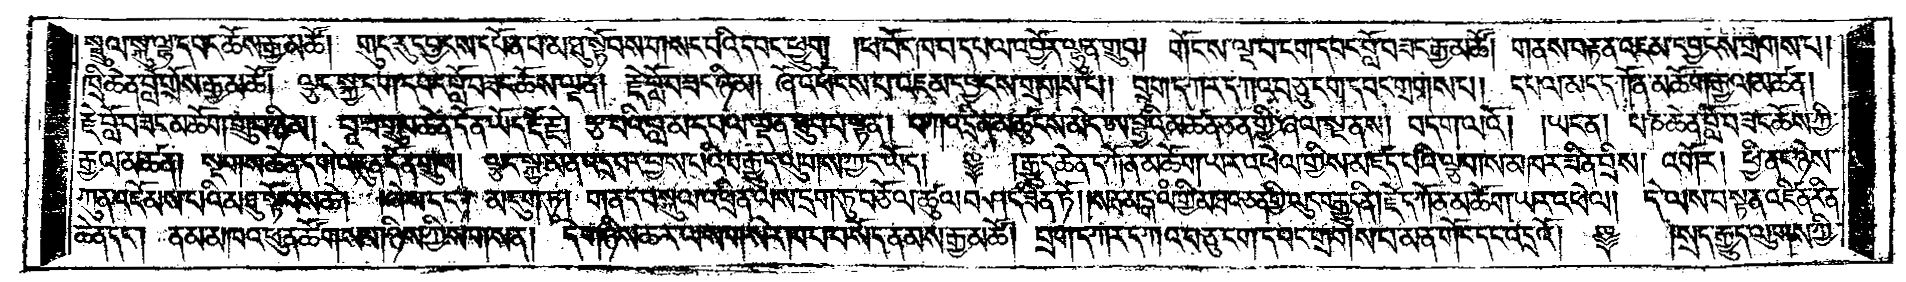སྤྲུལ་སྐུ་ལྷ་དབང་ཆོས་རྒྱ་མཚོ། གུང་རུ་དབྱངས་དཔོན་པ་མཐུ་སྟོབས་གསང་བའི་དབང་ཕྱུག །ཕ་བོང་ཁ་བ་དཔལ་འབྱོར་ལྷུན་གྲུབ། གོང་ས་ལྔ་བ་ངག་དབང་བློ་བཟང་རྒྱ་མཚོ། གནས་བརྟན་འཇམ་དབྱངས་གྲགས་པ།
ཁྲི་ཆེན་བློ་གྲོས་རྒྱ་མཚོ། ལྕང་སྐྱ་ངག་དབང་བློ་བཟང་ཆོས་ལྡན། རྗེ་བློ་བཟང་ཉི་མ། ཞོ་འཕོངས་པ་འཇམ་དབྱངས་གྲགས་པ། བྲག་དཀར་དཀའ་བཅུ་ངག་དབང་གྲགས་པ། དཔལ་མང་དཀོན་མཆོག་རྒྱལ་མཚན།
རྗེ་བློ་བཟང་མཆོག་གྲུབ་ཉི་མ། བཱ་ཟ་གྲུབ་ཆེན་དོན་ཡོད་རྡོ་རྗེ། རྩ་བའི་བླ་མ་དཔལ་ལྡན་ཐུབ་བསྟན། བཀའ་དྲིན་མཚུངས་མེད་ཨ་བྷྱའི་མཚན་ཅན་གྱི་ཞལ་སྔ་ནས། བདག་ལའོ། །ཡང་ན། པཎ་ཆེན་བློ་བཟང་ཆོས་ཀྱི་
རྒྱལ་མཚན། སྔགས་ཆེན་དགེ་འདུན་དོན་གྲུབ། ལྕང་སྐྱ་མན་འདྲ་བར་བྱས་པའི་བརྒྱུད་ལུགས་ཀྱང་ཡོད། ༈ །རྒྱུད་ཆེན་དཀོན་མཆོག་ཡར་འཕེལ་གྱིས་མཛད་པའི་ལྕགས་མཁར་ཟིན་བྲིས། འགོར། ཕྱི་ནང་ཉེས་
ཀུན་འཇོམས་པའི་མཐུ་སྟོབས་ཆེ། །ཞེས་དང་། མཇུག་ཏུ། གནད་བསྐུལ་འཕྲིན་ལས་དྲག་ཏུ་བཅོལ་ཚུལ་བཤད་ཟིན་ཏོ། །སརྦ་མངྒ་ལཾ་གྱི་མཐའ་ཅན་གྱི་ལུང་བརྒྱུད་ནི། རྗེ་དཀོན་མཆོག་ཡར་འཕེལ། དེ་ལས་བསྟན་འཛིན་རིན་
ཆེན་དང་། ནམ་མཁའ་ཕུན་ཚོགས་གཉིས་ཀྱིས་གསན། དེ་གཉིས་ཆར་ལས་གསེར་ཁ་པ་བསོད་ནམས་རྒྱ་མཚོ། བྲག་དཀར་དཀའ་བཅུ་ངག་དབང་གྲགས་པ་མན་གོང་དང་འདྲའོ། ༈ །སྲད་རྒྱུད་ལུགས་ཀྱི་